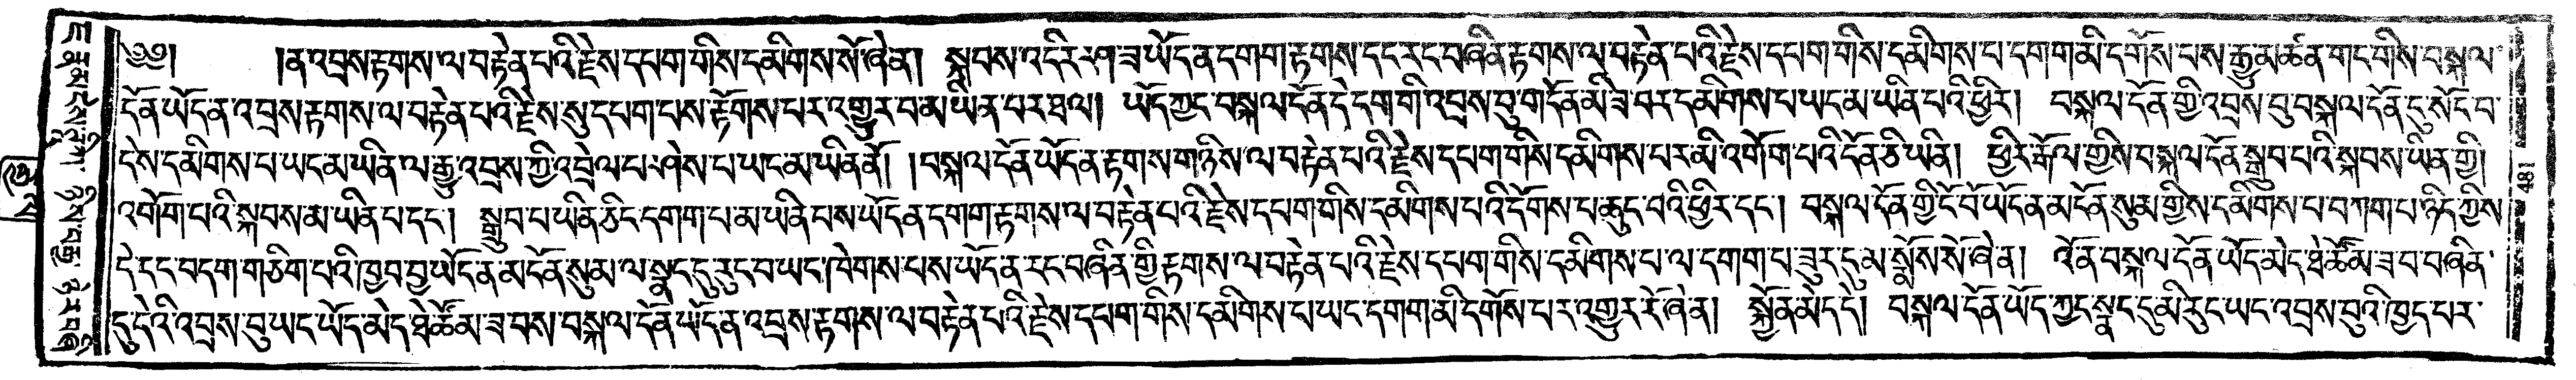༄༅། །ན་འབྲས་རྟགས་ལ་བརྟེན་པའི་རྗེས་དཔག་གིས་དམིགས་སོ་ཞེ་ན། སྐབས་འདིར་ཤ་ཟ་ཡོད་ན་དགག་རྟགས་དང་རང་བཞིན་རྟགས་ལ་བརྟེན་པའི་རྗེས་དཔག་གིས་དམིགས་པ་དགག་མི་དགོས་པས་རྒྱུ་མཚན་གང་གིས་བསྐལ་
དོན་ཡོད་ན་འབྲས་རྟགས་ལ་བརྟེན་པའི་རྗེས་སུ་དཔག་པས་རྟོགས་པར་འགྱུར་བ་མ་ཡིན་པར་ཐལ། ཡོད་ཀྱང་བསྐལ་དོན་དེ་དག་གི་འབྲས་བུ་གདོན་མི་ཟ་བར་དམིགས་པ་ཡང་མ་ཡིན་པའི་ཕྱིར། བསྐལ་དོན་གྱི་འབྲས་བུ་བསྐལ་དོན་དུ་སོང་བ་
དེས་དམིགས་པ་ཡང་མ་ཡིན་ལ་རྒྱུ་འབྲས་ཀྱི་འབྲེལ་པ་ཤེས་པ་ཡང་མ་ཡིན་ནོ། །བསྐལ་དོན་ཡོད་ན་རྟགས་གཉིས་ལ་བརྟེན་པའི་རྗེས་དཔག་གིས་དམིགས་པར་མི་འགོག་པའི་དོན་ཅི་ཡིན། ཕྱིར་རྒོལ་གྱིས་བསྐལ་དོན་སྒྲུབ་པའི་སྐབས་ཡིན་གྱི།
འགོག་པའི་སྐབས་མ་ཡིན་པ་དང་། སྒྲུབ་པ་ཡིན་ཅིང་དགག་པ་མ་ཡིན་པས་ཡོད་ན་དགག་རྟགས་ལ་བརྟེན་པའི་རྗེས་དཔག་གིས་དམིགས་པའི་དོགས་པ་ཆུང་བའི་ཕྱིར་དང་། བསྐལ་དོན་གྱི་ངོ་བོ་ཡོད་ན་མངོན་སུམ་གྱིས་དམིགས་པ་བཀག་པ་ཉིད་ཀྱིས་
དེ་དང་བདག་གཅིག་པའི་ཁྱབ་བྱ་ཡོད་ན་མངོན་སུམ་ལ་སྣང་དུ་རུང་བ་ཡང་ཁེགས་པས་ཡོད་ན་རང་བཞིན་གྱི་རྟགས་ལ་བརྟེན་པའི་རྗེས་དཔག་གིས་དམིགས་པ་ལ་དགག་པ་ཟུར་དུ་མ་སྨོས་སོ་ཞེ་ན། འོ་ན་བསྐལ་དོན་ཡོད་མེད་ཐེ་ཚོམ་ཟ་བ་བཞིན་
དུ་དེའི་འབྲས་བུ་ཡང་ཡོད་མེད་ཐེ་ཚོམ་ཟ་བས་བསྐལ་དོན་ཡོད་ན་འབྲས་རྟགས་ལ་བརྟེན་པའི་རྗེས་དཔག་གིས་དམིགས་པ་ཡང་དགག་མི་དགོས་པར་འགྱུར་རོ་ཞེ་ན། སྐྱོན་མེད་དེ། བསྐལ་དོན་ཡོད་ཀྱང་སྣང་དུ་མི་རུང་ཡང་འབྲས་བུའི་ཁྱད་པར་